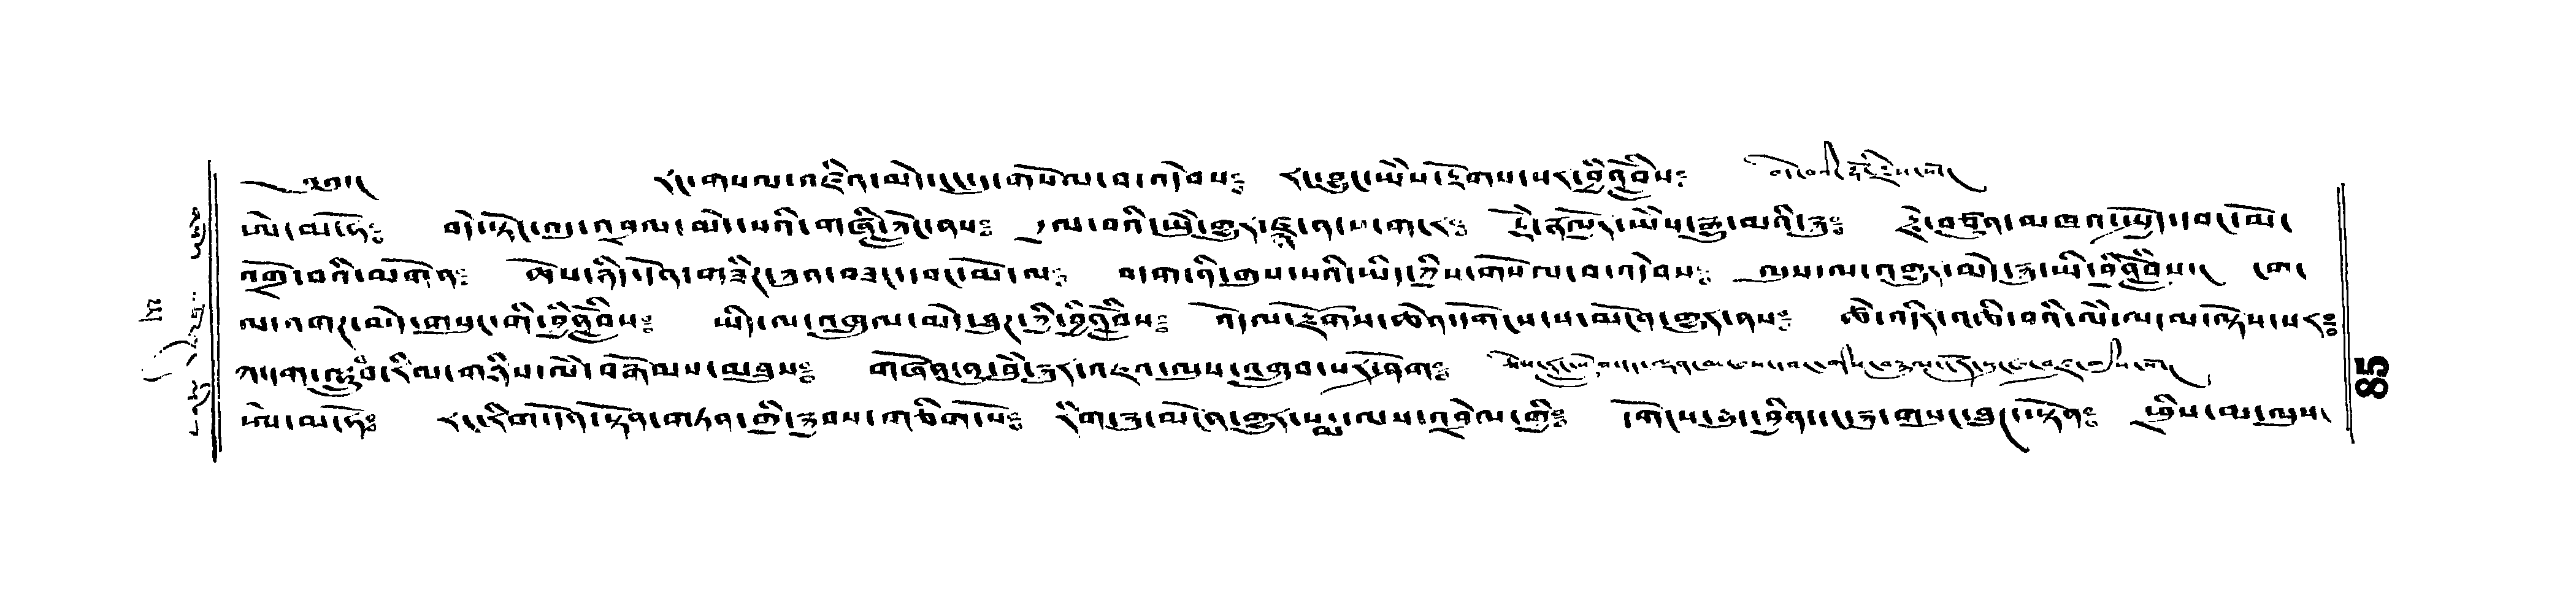རང་གསལ་འཛིན་མེད་ངང་དུ་གསོལ་བ་འདེབས༔ རང་བྱུང་ཡེ་ཤེས་རྟོགས་པར་བྱིན་གྱིས་རློབས༔ བདེ་བའི་རྡོ་རྗེས་སོ།།
ཨེ་མ་ཧོཿ བདེ་སྟོང་འདུ་འབྲལ་མེད་པའི་གཞི་ཀློང་ནས༔ རྒྱལ་བའི་ཡུམ་གྱུར་ཛྙཱ་ན་ས་ག་ར༔ རྡོ་རྗེ་རྣལ་འབྱོར་ཡེ་ཤེས་སྒྱུ་མའི་སྐུ༔ རྗེ་བཙུན་མཁའ་སྤྱོད་དབང་མོ་
འགྲོ་བའི་མགོན༔ ཆོས་ཉིད་དོན་གཟིགས་ཀུན་བཟང་དབང་མོ་ལ༔ བདག་ནི་གུས་པའི་ཡིད་ཀྱིས་གསོལ་བ་འདེབས༔ ལུས་ལ་འགྱུར་མེད་སྐུ་ཡི་བྱིན་གྱིས་རློབས༔ ངག་
ལ་འགག་མེད་གསུང་གི་བྱིན་གྱིས་རློབས༔ ཡིད་ལ་འཁྲུལ་མེད་ཐུགས་ཀྱི་བྱིན་གྱིས་རློབས༔ འོད་གསལ་རྫོགས་ཆེན་དགོངས་པ་མངོན་གྱུར་ནས༔ ཚེ་འདིར་འཆི་བའི་ལམ་ལ་མ་ལྟོས་པར༔ 
ཀ་དག་ལྷུན་གྲུབ་རིམ་གཉིས་ལམ་བསྒོམས་མཐུས༔ གཞོན་ནུ་བུམ་སྐུར་འཇའ་ལུས་འགྲུབ་པར་ཤོག༔ ཅེས་རང་སློབ་དད་ལྡན་མཁས་དབང་གིས་བསྐུལ་ངོར་སུ་ཁ་བཛྲ་གྱིས་སོ།། 
ཨེ་མ་ཧོ༔ རང་རིག་དོན་སྟོན་གཏན་གྱིས་སྐབས་གཅིག་པོ༔ རིག་སྐུ་མངོན་གྱུར་པདྨ་ལས་འབྲེལ་གྱི༔ དགོངས་རྒྱུད་བྱིན་དང་སྐུ་གསུང་ཐུགས་ཡོན་ཏན༔ཕྲིན་ལས་མ་ལུས་